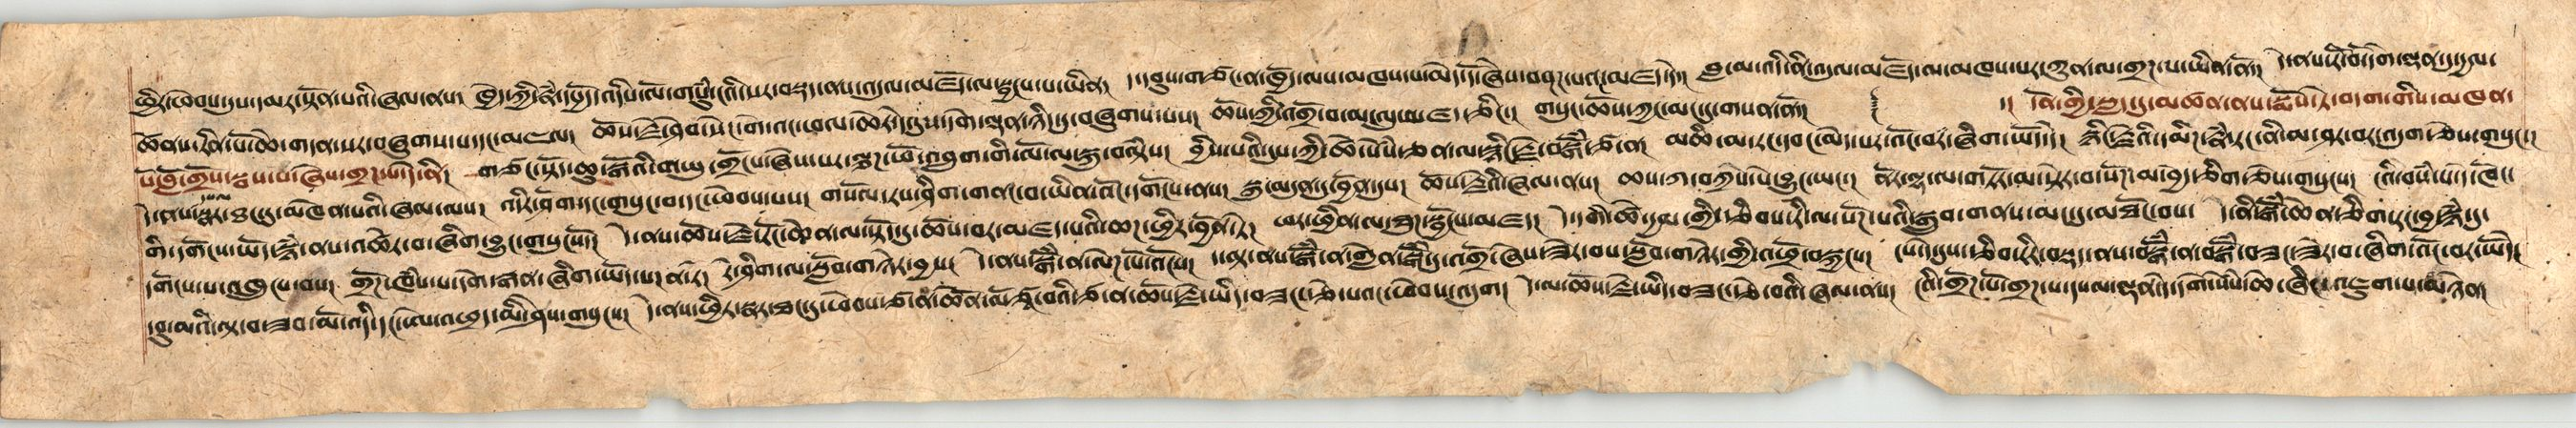ཕྱིར་ཕེབས་དུས་དམར་སྟོན་པའི་ཞལ་ནས། ཁྱོད་ཀྱི་རྣཾ་དཔྱོད་འདིས་ལོ་གསུཾ་ངའི་སར་བསྡད་ནས་འདུལ་མཛོད་ལ་སྦྱངས་པ་ཡིན། ད་དབུས་གཙང་ན་ཁྱོད་ལས་མཁས་པ་མེད་དོ་ཞེས་བསྔཌ་པའང་མཛད་དེ། བླ་མ་འདི་ནི་འདུལ་མཛོད་ལ་མཁས་པར་ཀུན་ལ་གྲཌ་པ་ཡིན་ནོ། དེ་ནས་རི་བོ་དགེ་ལྡན་དུ་དྱལ་
ཚེནས་རིན་པོ་ཆེ་གདན་སར་བཞུགས་པ་དང་མཇལ། ཆོས་རྗེ་ཤེབ་སེང་གེ་འང་ཕལ་ཆེར་དེ་དུས་དགེ་ལྡན་ཉིད་དུ་བཞུགས་པས། ཆོས་ཀྱི་འགྲོ་བ་མང་དུ་མཛད་ཅིང་། གསུང་ཆོས་ཀྱང་མང་དུ་གསན་ནོ་། ༈ ་། དོན་གྱི་སླད་དུ་མཚན་ནས་སྨོས་ཏེ་བདག་གིས་མཁན་
པོ་བློ་གྲོས་སྦས་པ་ཞེས་གྲཌ་པ་དེ་ནི། གཙང་སྟོད་ཆུ་སྒོའི་གཡུ་གྲོངས་ཞེས་པར་ལྕཌ་ཕོ་འབྲུག་གི་ལོ་ལ་སྐུ་བལྟཾས། བྱིས་པའི་དུས་ཀྱི་ཚེ་སེཾས་ཅན་ལ་སྙིང་རྗེ་བསྒོཾ་ཙ་ན། མཆི་མ་རང་དབང་མེད་པར་འོང་བར་ཞིག་ཡོད་དེ། སྙིང་རྗེའི་དམིཌ་རྣཾ་རང་ནི་མ་ཤར་བར་འདུག་ཅེས་གསུང་།
དེ་ནས་དཔལ་སྣར་ཐང་དུ་མཁེན་པའི་ཞལ་ལས། འདིར་ཤོག་དང་གསུང་བ་དང་ཕེབས་པས། གསོལ་རས་ཤིག་གནང་བ་ཡིན་འོང་དགོངས་ནས། སྐུ་མདུན་དུ་བྱོན་དུས། ཆོས་རྗེའི་ཞལ་ནས། ཆས་ཀ་བཀྲིས་པོ་བྱུང་ཡང་། ནོར་ལྷ་ལ་གཏོར་མ་སྟེར་བ་སོཌ་མ་བྱད་ཅིག་ཅེས་གསུངས། ངའི་བསཾ་པ་དེ་ཁོང་
གི་དགོངས་ཡོད་སྙཾ་ནས་འཚེར་བ་ཞིག་བྱང་གསུངསོ་། དེ་ནས་ཆོས་རྗེ་རོང་ཆེན་ལ་སྟོད་དུ་ཆོས་བར་མཛད་པའི་ཆཌ་ཕྱིར་བྱོན་ཏེ། ཕར་ཕྱིན་ལ་ཐུཌ་སྦྱོངས་བཛད། དེ་དགི་ཚེ་དྱལ་གྱི་རྩིབས་རི་ལ་སོཌ་པའི་སྒྲུབ་གནས་མང་དུ་མཐོང་བས་ ད་ནི་སྒོཾ་ཆེན་ཅིག་རང་བྱ་སྙཾ་དུ་
དགོངས་པ་འཁྲུངས་བས། གྲོཌ་ཁཾས་པ་དགེ་རྒན་ཞིག་ཡོད་པ་ན་རེ། རེ་ཤིག་ལ་སློབ་གཉེར་བྱས། དེ་ནས་སྒོཾ་ན་ལེཌ་པོ་འོངས། ད་ལྟ་ནས་སྒོཾ་ན་གླེན་སྒོཾ་དུ་འགྲོ་ཞེས་ཟེར་བས་སློབ་གཉེར་གྱི་འཕྲོ་བསྐྱངས། ངས་དེ་དུས་ཙིབ་རིརབསྡད་ནས་བསྒོཾ་ན་བསྒོཾ་བཟང་ཟེར་བ་ཞིག་འོང་བར་ཡོདེ།
དབུ་མའི་ལྟ་བ་ཟབ་མོ་འདི་དང་ཨེ་འཕྲད་མི་ཤེས་གསུངས། དེ་ནས་ཕྱིར་སྣར་ཐང་དུ་ཕེབས་ཙ་ན་ཆེནོ་ལོཙཱ་བའི་ཙ་ན་ཆོས་རྗེ་ཡིད་བཟང་རྩེ་པའང་ཕེབས་འདུག། དེ་ལ་ཆོས་རྗེ་ཡིད་བཟང་རྩེ་བའི་ཞལ་ནས། ངའི་གྲོཌ་པོ་གྲཌ་པ་དཔལ་ལྡན་དེ་དགེ་སེསཾ་ཆེ་ཞིང་འཇུག་པ་མཉེན།